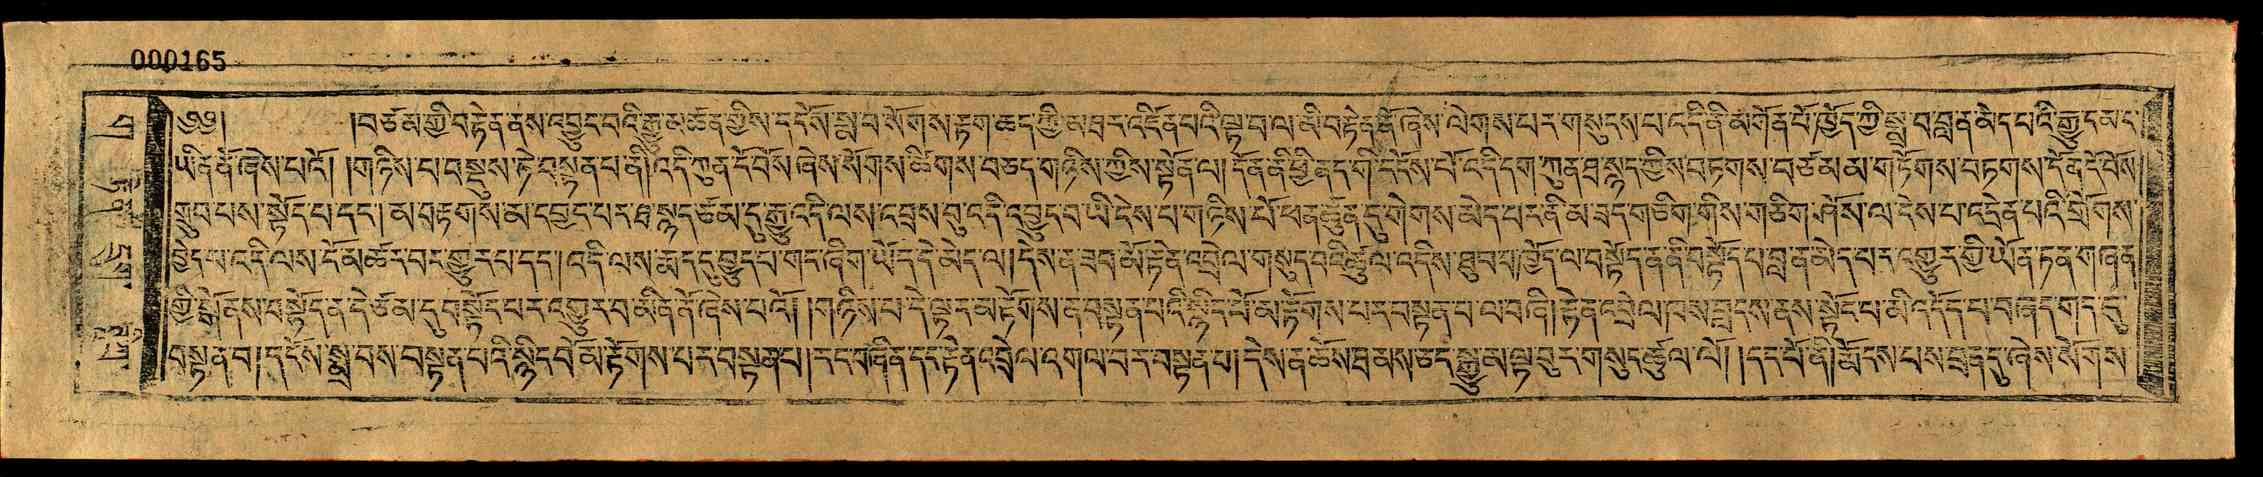༄༅། །པ་ཙམ་གྱི་བརྟེན་ནས་འབྱུང་བའི་རྒྱུ་མཚན་གྱིས་དངོས་སྨྲ་བ་སོགས་རྟག་ཆད་ཀྱི་མཐར་འཛིན་པའི་ལྟ་བ་ལ་མི་བརྟེན་ནོ་ཞེས་ལེགས་པར་གསུངས་པ་འདི་ནི་མགོན་པོ་ཁྱོད་ཀྱི་སྨྲ་བ་བླ་ན་མེད་པའི་རྒྱུ་དམ་པ་
ཡིན་ནོ་ཞེས་པའོ། །གཉིས་པ་བསྡུས་ཏེ་བསྟན་པ་ནི། འདི་ཀུན་ངོ་བོས་ཞེས་སོགས་ཚིགས་བཅད་གཉིས་ཀྱིས་སྟོན་ལ། དོན་ནི་ཕྱི་ནང་གི་དངོས་པོ་འདི་དག་ཀུན་ཐ་སྙད་ཀྱིས་བཏགས་པ་ཙམ་མ་གཏོགས་བཏགས་དོན་ངོ་བོས་
གྲུབ་པས་སྟོང་པ་དང་། མ་བརྟགས་མ་དཔྱད་པར་ཐ་སྙད་ཙམ་དུ་རྒྱུ་འདི་ལས་འབྲས་བུ་འདི་འབྱུང་བ་ཡི་ངེས་པ་གཉིས་པོ་ཕན་ཚུན་དུ་གེགས་མེད་པར་ནི་མ་ཟད་གཅིག་གིས་གཅིག་ཤོས་ལ་ངེས་པ་འདྲེན་པའི་གྲོགས་
བྱེད་པ་འདི་ལས་ངོ་མཚར་བར་གྱུར་པ་དང་། འདི་ལས་རྨད་དུ་བྱུང་བ་གང་ཞིག་ཡོད་དེ་མེད་ལ། དེས་ན་ཟབ་མོ་རྟེན་འབྲེལ་གསུང་བའི་ཚུལ་འདིས་ཐུབ་པ་ཁྱོད་ལ་བསྟོད་ན་ནི་བསྟོད་པ་བླ་ན་མེད་པར་འགྱུར་གྱི་ཡོན་ཏན་གཞན་
གྱི་སྒོ་ནས་བསྟོད་ན་དེ་ཙམ་དུ་བསྟོད་པར་འགྱུར་བ་མིན་ནོ་ཞེས་པའོ། །གཉིས་པ་དེ་ལྟར་མ་རྟོགས་ན་བསྟན་པའི་སྙིང་པོ་མ་རྟོགས་པར་བསྟན་པ་ལ་བཞི། རྟེན་འབྲེལ་ཁས་བླངས་ནས་སྟོང་པ་མི་འདོད་པ་བཞད་གང་དུ་
བསྟན་པ། དངོས་སྨྲ་བས་བསྟན་པའི་སྙིང་པོ་མ་རྟོགས་པར་བསྟན་པ། རང་བཞིན་དང་རྟེན་འབྲེལ་འགལ་བར་བསྟན་པ། དེས་ན་ཆོས་ཐམས་ཅད་སྒྱུ་མ་ལྟ་བུར་གསུང་ཚུལ་ལོ། །དང་པོ་ནི། རྨོངས་པས་བྲན་དུ་ཞེས་སོགས་